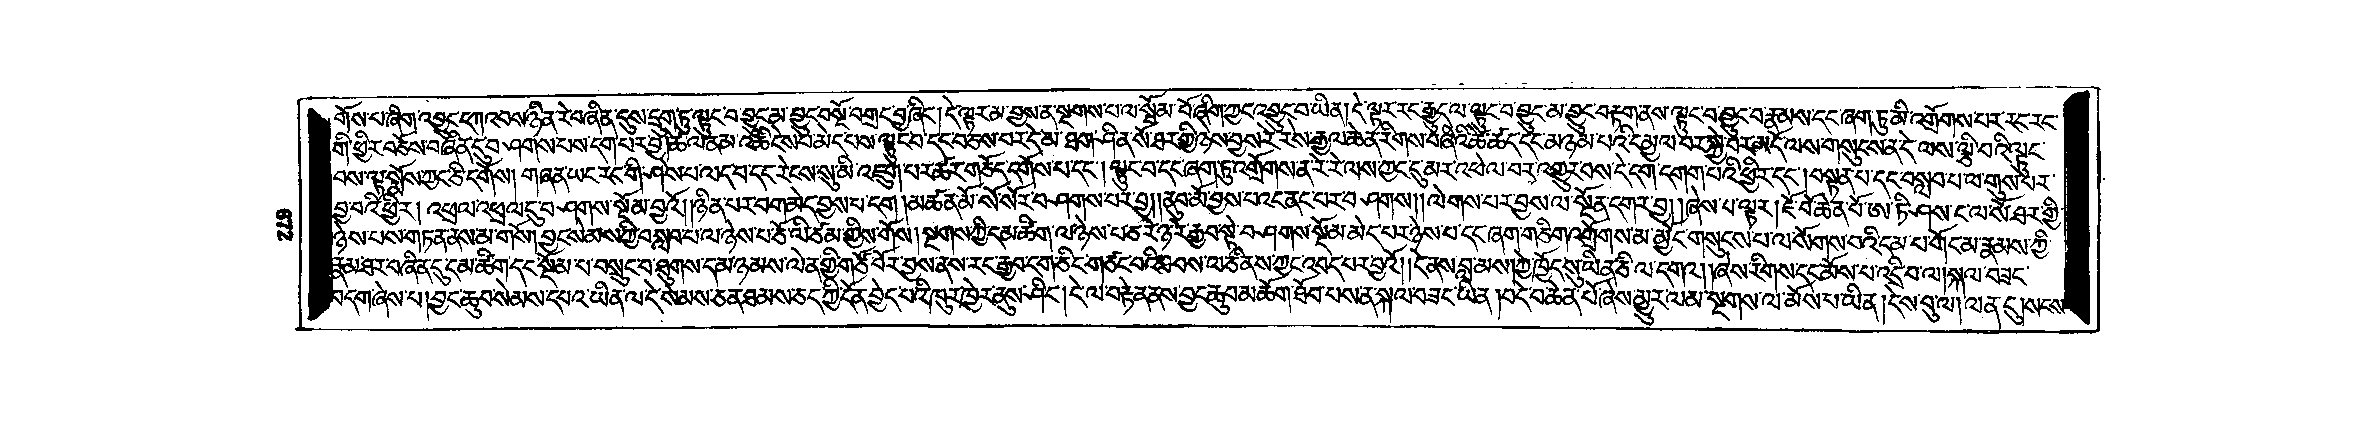གོས་པ་ཞིག་འབྱུང་དཀའ་བས་ཉིན་རེ་བཞིན་དུས་དྲུག་ཏུ་ལྟུང་བ་བྱུང་མ་བྱུང་བསྔོ་བགྲང་བྱ་ཞིང་། དེ་ལྟར་མ་བྱས་ན་སྔགས་པ་ལ་སྦོམ་པོ་ཞིག་ཀྱང་འབྱུང་བ་ཡིན། དེ་ལྟར་རང་རྒྱུད་ལ་ལྟུང་བ་བྱུང་མ་བྱུང་བརྟག་ནས་ལྟུང་བ་བྱུང་བ་རྣམས་དང་ཞག་ཏུ་མི་འགྲོགས་པར་རང་རང་
གི་ཕྱིར་བཅོས་བཞིན་དུ་བཤགས་པས་དག་པར་བྱ། ཚེ་ལེ་ནམ་འཆི་ངེས་པ་མེད་པས་ལྟུང་བ་དང་བཅས་པར་དེ་མ་ཐག་ཤིན་སོ་ཐར་གྱི་ཉེས་བྱས་རེ་རེས་རྒྱལ་ཆེན་རིགས་བཞིའི་ཚེ་ཚད་དང་མཉམ་པའི་དམྱལ་བར་སྐྱེ་བར་མདོ་ལས་གསུངས་ན་དེ་ལས་ལྕི་བའི་ལྟུང་
བས་ལྟ་སྨོས་ཀྱང་ཅི་དགོས། གཞན་ཡང་རང་གི་ཤེས་པ་ལད་པ་དང་རེངས་སུ་མི་འཇུག་པར་ཚར་གཅོད་དགོས་པ་དང་། ལྟུང་བ་དང་ཞག་ཏུ་འགྲོགས་ན་རེ་རེ་ལས་ཀྱང་དུ་མར་འཕེལ་བར་འགྱུར་བས་དེ་དག་དགག་པའི་ཕྱིར་དང་། བསྟན་པ་དང་བསླབ་པ་ལ་གུས་པར་
བྱ་བའི་ཕྱིར། འཕྲལ་འཕྲལ་དུ་བཤགས་སྡོམ་བྱའོ། །ཉིན་པར་བག་མེད་བྱས་པ་དག །མཚན་མོ་སོ་སོར་བཤགས་པར་བྱ། །ནུབ་མོ་བྱས་པའང་ནང་པར་བཤགས། །ལེགས་པར་བྱས་ལ་སྔོན་དགར་བྱ། །ཞེས་པ་ལྟར། ཇོ་བོ་ཆེན་པོ་ཨ་ཏི་ཤས་ང་ལ་སོ་ཐར་གྱི་
ཉེས་པས་གཏན་ནས་མ་གསོ། བྱང་སེམས་ཀྱི་བསླབ་པ་ལ་ཉེས་པ་ཅོ་ལི་ཙམ་གྱིས་གོས། སྔགས་ཀྱི་དམ་ཚིག་ལ་ཉེས་པ་ཅ་རེ་ཉ་རེ་རྒྱབ་སྟེ་བཤགས་སྡོམ་མེད་པར་ཉེས་པ་དང་ཞག་གཅིག་འགྲོགས་མ་མྱོང་གསུངས་པ་ལ་སོགས་པའི་དམ་པ་གོང་མ་རྣམས་ཀྱི་
རྣམ་ཐར་བཞིན་དུ་དམ་ཚིག་དང་སྡོམ་པ་བསྲུང་བ་ཐུགས་དམ་ཉམས་ལེན་གྱི་གཙོ་བོར་བྱས་ནས་རང་རྒྱབ་དག་ཅིང་གཙང་བའི་ཐབས་ལ་ཅི་ནས་ཀྱང་འབད་པར་བྱའོ། །དེ་ནས་བླ་མས། ཀྱེ་ཁྱོད་སུ་ཡིན་ཅི་ལ་དགའ། །ཞེས་རིགས་དང་མོས་པ་དྲི་བ་ལ། སྐལ་བཟང་
བདག་ཞེས་པ། བྱང་ཆུབ་སེམས་དཔའ་ཡིན་ལ་དེ་སེམས་ཅན་ཐབས་ཅད་ཀྱི་དོན་བྱེད་པའི་ཁུར་ཁྱེར་ནུས་ཤིང་། དེ་ལ་བརྟེན་ནས་བྱང་ཆུབ་མཆོག་ཐོབ་པས་ན་སྐལ་བཟངྱིན། དེས་བ་ཆེན་པོ་ཞེས་མྱུར་ལམ་སྔགས་ལ་མོས་པ་ཡིན། དེས་བུ་ལ། ལན་དུ། སངས་